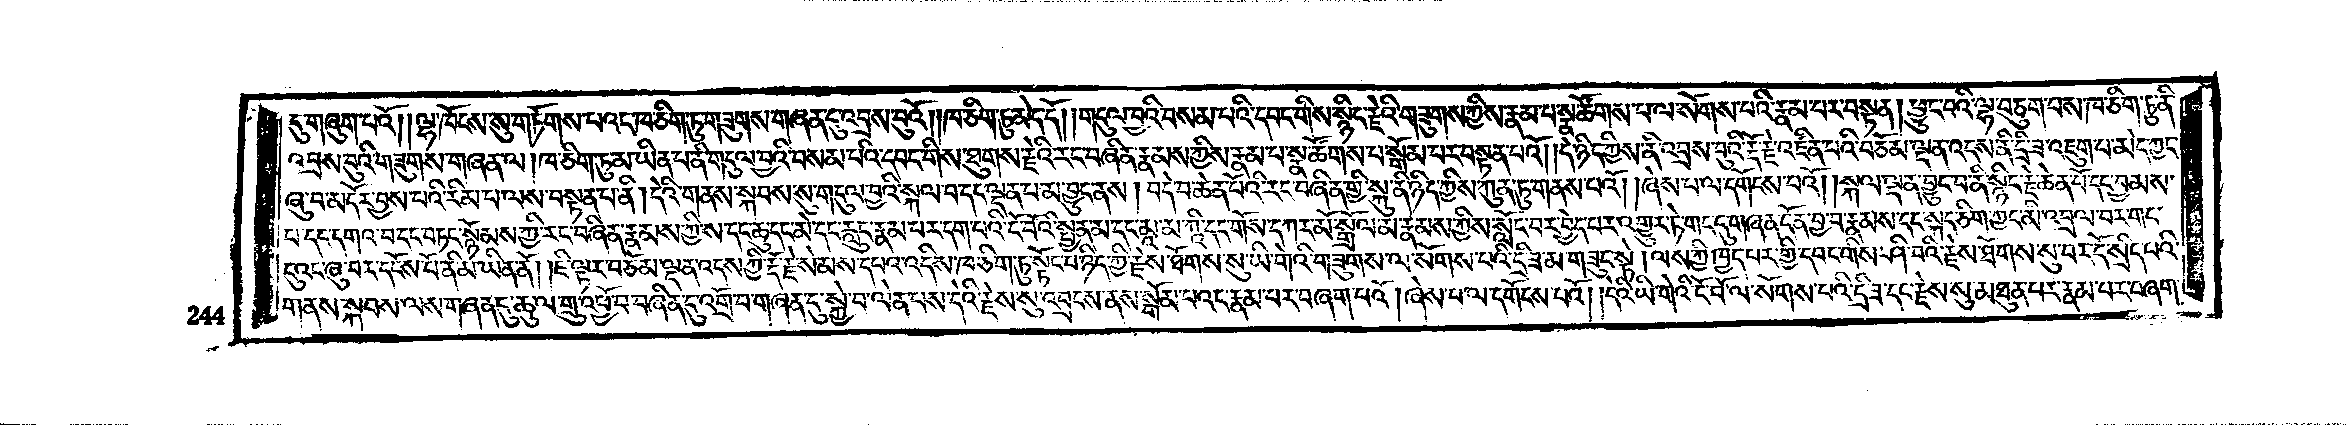དུ་གཞུག་པའོ། །ལྷ་ཁོངས་སུ་གཏོགས་པའང་ཁ་ཅིག་ཏུ་གཟུགས་གཞན་དུ་འབྲས་བུའོ། །ཁ་ཅིག་ཏུ་མེད་དོ། །གདུལ་བྱའི་བསམ་པའི་དབང་གིས་སྙིང་རྗེའི་གཟུགས་ཀྱིས་རྣམ་པ་སྣ་ཚོགས་པ་ལ་སོགས་པའི་རྣམ་པར་བསྟན། ཕྱུང་བའི་ལྷ་བཅུག་པས་ཁ་ཅིག་ཏུ་ནི་
འབྲས་བུའི་གཟུགས་གཞན་ལ། ཁ་ཅིག་ཏུ་མ་ཡིན་པ་ནི་གདུལ་བྱའི་བསམ་པའི་དབང་གིས་ཐུགས་རྗེའི་རང་བཞིན་རྣམས་ཀྱིས་རྣམ་པ་སྣ་ཚོགས་པ་སྒོམ་པར་བསྟན་པའོ། །དེ་ཉིད་ཀྱིས་ནི་འབྲས་བུའི་རྡོ་རྗེ་འཛིན་པའི་བཅོམ་ལྡན་འདས་ནི་དྲི་ཟ་འཇུག་པ་མེད་ཀྱང་
ཞུ་བ་མདོར་བྱས་པའི་རིམ་པ་ལས་བསྟན་པ་ནི། དེའི་གནས་སྐབས་སུ་གདུལ་བྱའི་སྐལ་བ་དང་ལྡན་པ་མ་བྱུང་ནས། བདེ་བ་ཆེན་པོའི་རང་བཞིན་གྱི་སྐུ་ནི་ཉིད་ཀྱིས་ཀུན་ཏུ་གནས་པའོ། །ཞེས་པ་ལ་དགོངས་པའོ། །སྐལ་ལྡན་བྱུང་བ་ནི་སྙིང་རྗེ་ཆེན་པོ་དང་བྱམས་
པ་དང་དགའ་བ་དང་བཏང་སྙོམས་ཀྱི་རང་བཞིན་རྣམས་ཀྱི་ས་དང་ཆུ་དང་མེ་དང་རླུང་རྣམ་པར་དག་པའི་ངོ་བོའི་སྤྱན་མ་དང་མཱ་མ་ཀཱི་དང་གོས་དཀར་མོ་སྒྲོལ་མ་རྣམས་ཀྱིས་སློང་བར་བྱེད་པར་འགྱུར་ཏེ་གང་དུ་གཞན་དོན་བྱ་བ་རྣམས་དང་སྐད་ཅིག་ཀྱང་མི་འབྲལ་བར་གང་
དུའང་ཞུ་བར་དངོས་པོ་ནི་མ་ཡིན་ནོ། །ཇི་ལྟར་བཅོམ་ལྡན་འདས་ཀྱི་རྡོ་རྗེ་སེམས་དཔའ་འདིས་ཁ་ཅིག་ཏུ་སྟོང་བ་ཉིད་ཀྱི་རྗེས་ཐོགས་སུ་ཡི་གེའི་གཟུགས་ལ་སོགས་པའི་དྲི་ཟ་མ་གཟུང་སྟེ། ལས་ཀྱི་ཁྱད་པར་གྱི་དབང་གིས་ཤི་བའི་རྗེས་ཐོགས་སུ་བར་དོ་སྲིད་པའི་
གནས་སྐབས་ལས་གཞན་དུ་ཆུ་ལ་གྲུ་འཕྱོ་བ་བཞིན་དུ་འགྲོ་བ་གཞན་དུ་སྐྱེ་བ་ལེན་པས་དེའི་རྗེས་སུ་འབྲངས་ནས་སྒོམ་པའང་རྣམ་པར་བཞག་པའོ། ཞེས་པ་ལ་དགོངས་པའོ། །དེའི་ཡི་གེའི་ངོ་བོ་ལ་སོགས་པའི་དྲི་ཟ་དང་རྗེས་སུ་མཐུན་པར་རྣམ་པར་བཞག་